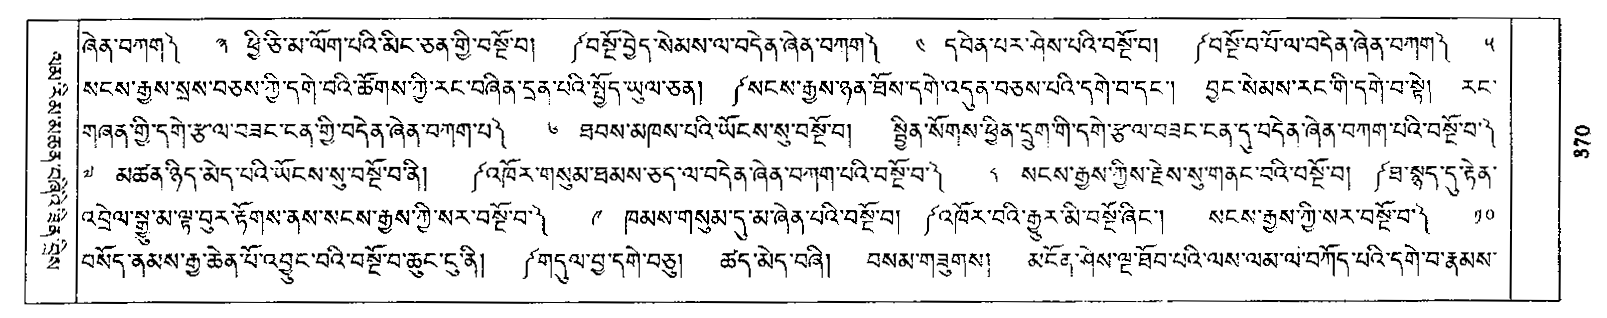ཞེན་བཀག༼ ༣་ཕྱི་ཅི་མ་ལོག་པའི་མིང་ཅན་གྱི་བསྔོ་བ། ?བསྔོ་བྱེད་སེམས་ལ་བདེན་ཞེན་བཀག༽ ༤་དབེན་པར་ཤེས་པའི་བསྔོ་བ། ?བསྔོ་བ་པོ་ལ་བདེན་ཞེན་བཀག ༥
སངས་རྒྱས་སྲས་བཅས་ཀྱི་དགེ་བའི་ཚོགས་ཀྱི་རང་བཞིན་དྲན་པའི་སྤྱོད་ཡུལ་ཅན། ?སངས་རྒྱས་ཉན་ཐོས་དགེ་འདུན་བཅས་པའི་དགེ་བ་དང་། བྱང་སེམས་རང་གི་དགེ་བ་སྟེ། རང་
གཞན་གྱི་དགེ་རྩ་ལ་བཟང་ངན་གྱི་བདེན་ཞེན་བཀག་པ༼ ༦་ཐབས་མཁས་པའི་ཡོངས་སུ་བསྔོ་བ། སྦྱིན་སོགས་ཕྱིན་དྲུག་གི་དགེ་རྩལ་བཟང་ངན་དུ་བདེན་ཞེན་བཀག་པའི་བསྔོ་བ༽
༧་མཚན་ཉིད་མེད་པའི་ཡོངས་སུ་བསྔོ་བ་ནི། ?འཁོར་གསུམ་ཐབས་ཅད་ལ་བདེན་ཞེན་བཀག་པའི་བསྔོ་བ ༨་སངས་རྒྱས་ཀྱིས་རྗེས་སུ་གནང་བའི་བསྔོ་བ། ?ཐ་སྙད་དུ་རྟེན་
འབྲེལ་སྒྱུ་མ་ལྟ་བུར་རྟོགས་ནས་སངས་རྒྱས་ཀྱི་སར་བསྔོ་བ༼ ༩་ཁམས་གསུམ་དུ་མ་ཞེན་པའི་བསྔོ་བ། ?འཁོར་བའི་རྒྱུར་མི་བསྔོ་ཞིང་། སངས་རྒྱས་ཀྱི་སར་བསྔོ་བ༽ ༡༠
བསོད་ནམས་རྒྱ་ཆེན་པོ་འབྱུང་བའི་བསྔོ་བ་ཆུང་ངུ་ནི། ?གདུལ་བྱ་དགེ་བཅུ། ཚད་མེད་བཞི། བསམ་གཟུགས། མངོན་ཤེས་ལྔ་ཐོབ་པའི་ལས་ལམ་ལ་བཀོད་པའི་དགེ་བ་རྣམས་